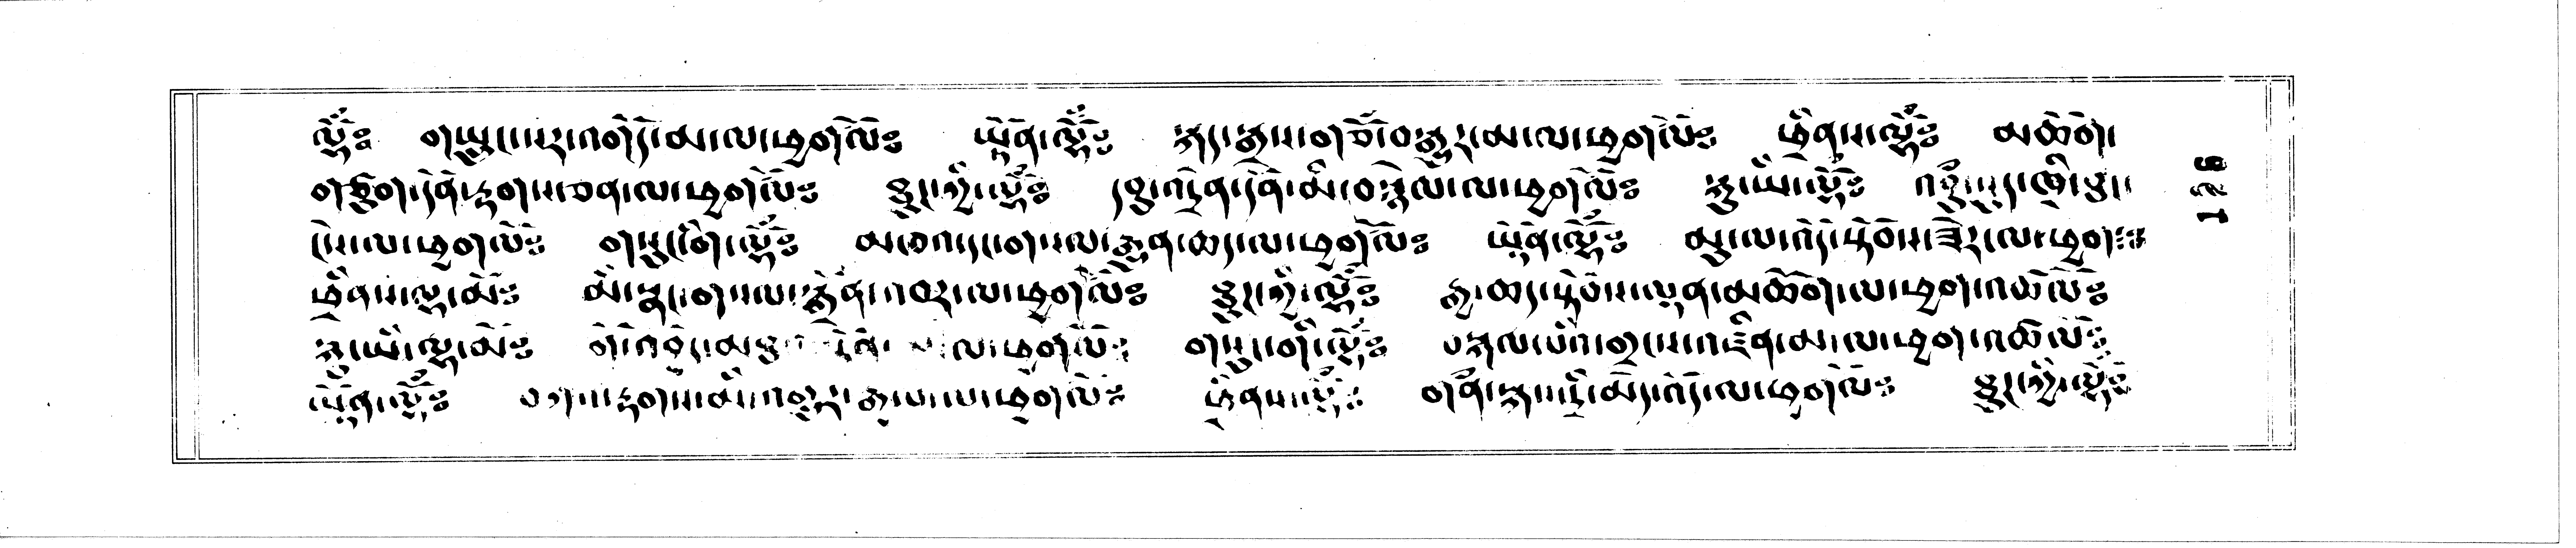ལྷ་མོཿ གཡུང་དྲུང་སར་འགོད་མ་ལ་ཕྱག་འཚལ་ལོཿ ཡོན་ཏན་གྱི་ལྷ་མོཿ སྐད་སྒྲས་བཅོམ་བསྒྱུར་མ་ལ་ཕྱག་འཚལ་ལོཿ ཕྲིན་ལས་ཀྱི་ལྷ་མོཿ མཆོག་
གཙུག་དོན་རྟགས་ཅན་ལ་ཕྱག་འཚལ་ལོཿ ཐུགས་ཀྱི་ལྷ་མོཿ དབུ་འདྲེན་དོན་མི་བསྙེལ་ལ་ཕྱག་འཚལ་ལོཿ སྐུ་ཡི་ལྷ་མོཿ འབུམ་སྡུད་ཁྲི་ཐོང་
ངེས་ལ་ཕྱག་འཚལ་ལོཿ གསུང་གི་ལྷ་མོཿ མཁའ་དང་གསལ་རྒྱུན་མི་འཆད་ལ་ཕྱག་འཚལ་ལོཿ ཡོན་ཏན་གྱི་ལྷ་མོཿ མུ་ལ་འོད་སྟོབས་ཟེར་ལ་ཕྱག་འཚལ་ལོཿ 
ཕྲིན་ལས་ཀྱི་ལྷ་མོཿ མི་སྣང་གསལ་སྒྲོན་འབར་ལ་ཕྱག་འཚལ་ལོཿ ཐུགས་ཀྱི་ལྷ་མོཿ རྒྱ་ཆད་སྟོབས་ལྡན་མཆོག་ལ་ཕྱག་འཚལ་ལོཿ 
སྐུ་ཡི་ལྷ་མོཿ གོ་འབྱེད་མཐའ་སྟོན་མ་ལ་ཕྱག་འཚལ་ལོཿ གསུང་གི་ལྷ་མོཿ བསྐལ་པའི་གྲངས་འཛིན་མ་ལ་ཕྱག་འཚལ་ལོཿ 
ཡོན་ཏན་གྱི་ལྷ་མོཿ བཀའ་རྟགས་མི་འགྱུར་རྒྱ་ལ་ཕྱག་འཚལ་ལོཿ ཕྲིན་ལས་ཀྱི་ལྷ་མོཿ གནམ་སྐས་དྲི་མེད་འོད་ལ་ཕྱག་འཚལ་ལོཿ ཐུགས་ཀྱི་ལྷ་མོཿ